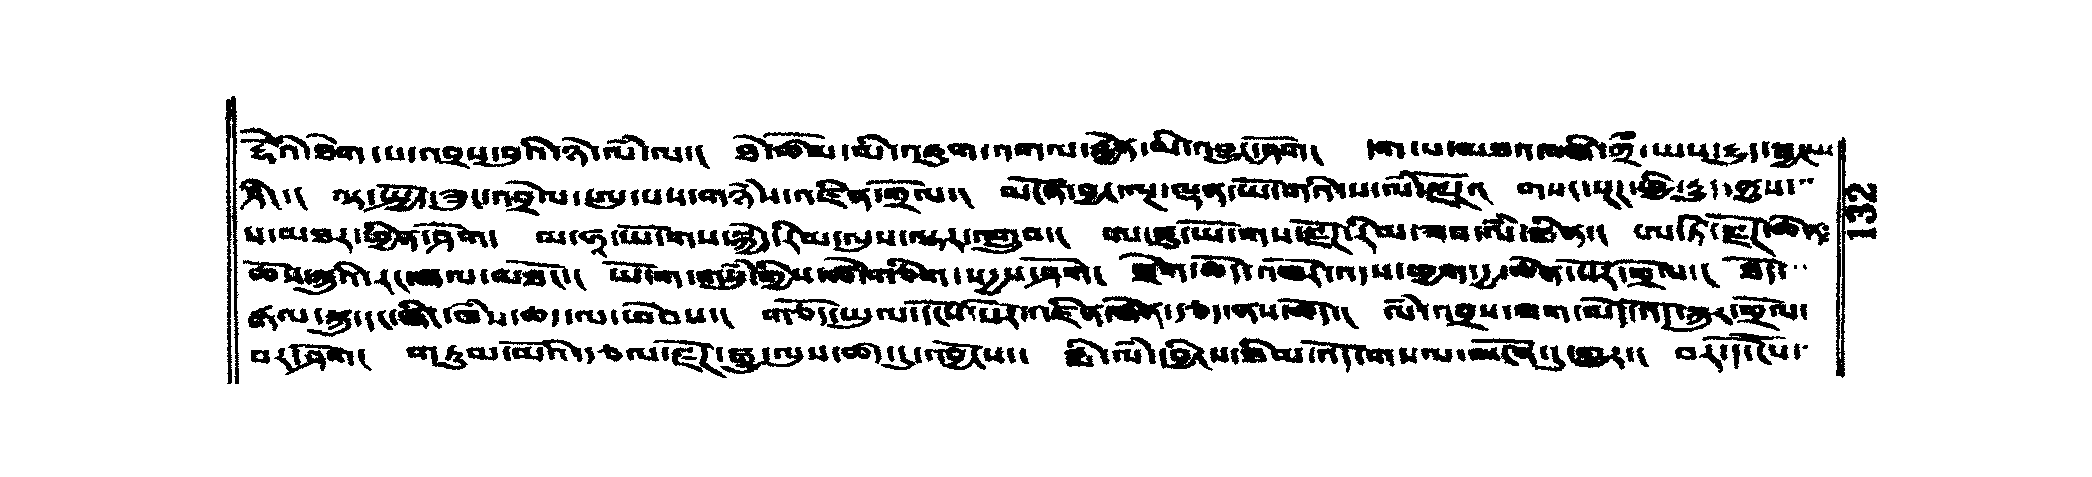།རྡོ་རྗེའི་ཐེག་པ་འབྲས་བུའི་ཉེ་ལམ་ལ། །ཐེ་ཚོམ་མི་འཇུག་འགལ་རྐྱེན་མི་འབྱུང་ཤོག །དག་པ་མཐའ་བཞི་ཀྲྀ་ཡས་རྒྱུད་སྦྱངས་
ཤིང་། །ལྟ་སྤྱོད་ཟུང་འབྲེལ་ཨུ་པས་གཉིས་འཛིན་གྲོལ། །མངོན་བྱང་ལྔ་ལྡན་ཡོ་གའི་ས་ལམ་རྫོགས། །གསང་སྔགས་ཕྱི་རྒྱུད་ནུས་
པ་མཐར་ཕྱིན་ཤོག །མ་ཧཱ་ཡོ་གས་བསྐྱེད་རིམ་ལུས་ལྷར་འགྲུབ། །ཨ་ནུ་ཡོ་གས་རྫོགས་རིམ་ཟབ་ལམ་སྨིན། །ཨ་ཏི་རྫོགས་ཆེན་
ཆོས་སྐུའི་རང་ཞལ་མཐོང་། །ཡོ་ག་གསུམ་གྱིས་ཚེ་གཅིག་སངས་རྒྱས་ཤོགཁྲེགས་ཆོད་འཁོར་འདས་ཕྱག་རྒྱ་ཆེན་པོར་གྲོལ། ཐོད་
རྒལ་སྐུ་དང་ཞིང་ཁམས་ཚད་ལ་ཕེབས། །གཅོད་ཡུལ་དངོས་པོར་འཛིན་ཆེན་རྩད་ནས་ཆོད། །ལམ་འབྲས་ཟག་མེད་འོད་སྐུར་གྲོལ་
བར་ཤོག །གཏུམ་མོའི་རྩལ་རྫོགས་སྒྱུ་ལུས་ཚད་དུ་འབྱོངས། །རྨི་ལམ་དབྱིངས་ཐིམ་འོད་གསལ་མངོན་དུ་གྱུར། །བར་དོ་ངོས་